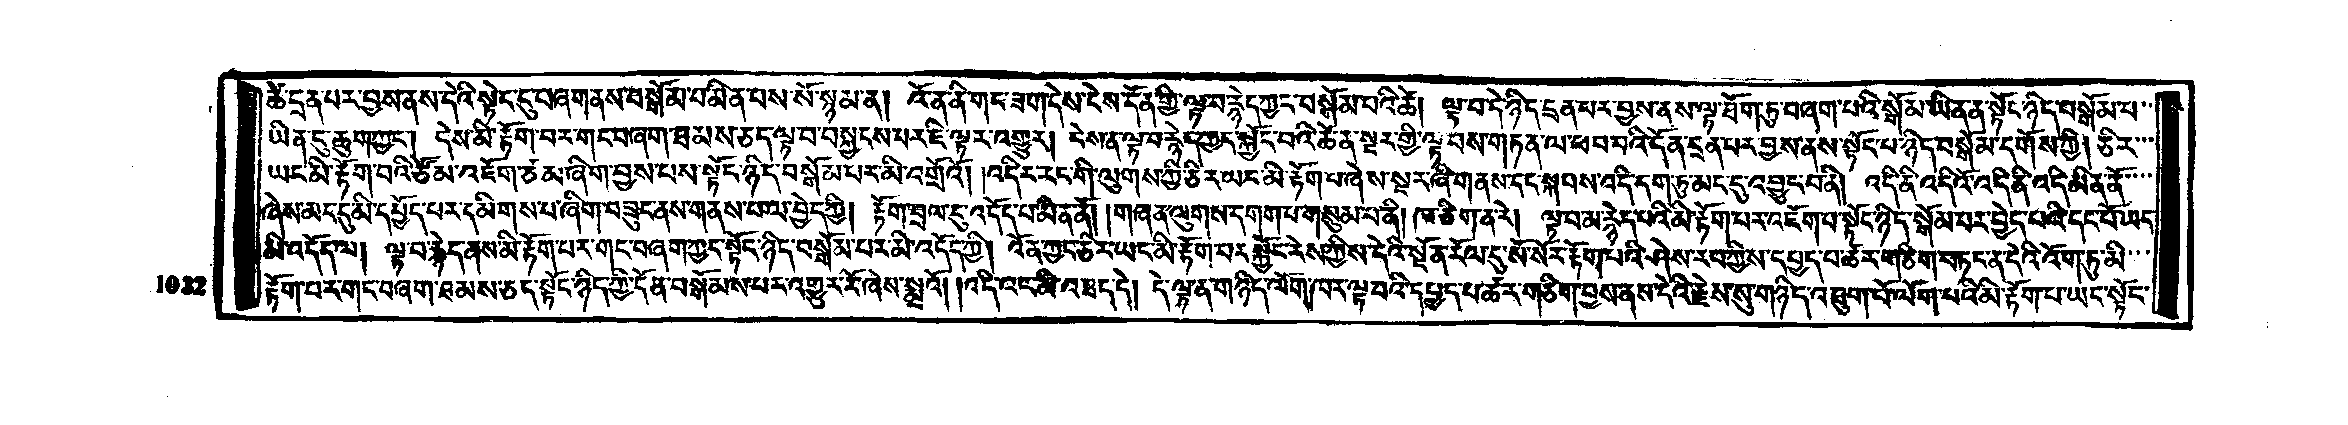ཚེ་དྲན་པར་བྱས་ནས་དེའི་སྟེང་དུ་བཞག་ནས་བསྒོམ་པ་མིན་པས་སོ་སྙམ་ན། འོ་ན་ནི་གང་ཟག་དེས་ངེས་དོན་གྱི་ལྟ་བ་རྙེད་ཀྱང་བསྒོམ་པའི་ཚེ། ལྟ་བ་དེ་ཉིད་དྲན་པར་བྱས་ནས་ལྟ་ཐོག་ཏུ་བཞག་པའི་སྒོམ་ཡིན་ན་སྟོང་ཉིད་བསྒོམ་པ་
ཡིན་དུ་ཆུག་ཀྱང་། དེས་མི་རྟོག་པར་གང་བཞག་ཐམས་ཅད་ལྟ་བ་བསྐྱངས་པར་ཇི་ལྟར་འགྱུར། དེས་ན་ལྟ་བ་རྙེད་ཀྱང་སྐྱོང་བའི་ཚེ་ན་སྔར་གྱི་ལྟ་བས་གཏན་ལ་ཕབ་པའི་དོན་དྲན་པར་བྱས་ནས་སྟོང་པ་ཉིད་བསྒོམ་དགོས་ཀྱི། ཅིར་
ཡང་མི་རྟོག་པའི་ཙོམ་འཇོག་ཙམ་ཞིག་བྱས་པས་སྟོང་ཉིད་བསྒོམ་པར་མི་འགྲོའོ། །འདིར་རང་གི་ལུགས་ཀྱི་ཅིར་ཡང་མི་རྟོག་པ་ཞེས་སྔར་ཞི་གནས་དང་སྐབས་འདི་དག་ཏུ་མང་དུ་འབྱུང་བ་ནི། འདི་ནི་འདིའོ་འདི་ནི་འདི་མིན་ནོ་
ཞེས་མང་དུ་མི་དཔྱོད་པར་དམིགས་པ་ཞིག་བཟུང་ནས་གནས་པ་ལ་བྱེད་ཀྱི། རྟོག་བྲལ་དུ་འདོད་པ་མིན་ནོ། །གཞན་ལུགས་དགག་པ་གསུམ་པ་ནི། ཁ་ཅིག་ན་རེ། ལྟ་བ་མ་རྙེད་པའི་མི་རྟོག་པར་འཇོག་པ་སྟོང་ཉིད་སྒོམ་པར་བྱེད་པའི་དང་པོ་ཡང་
མི་འདོད་ལ། ལྟ་བ་རྙེད་ནས་མི་རྟོག་པར་གང་བཞག་ཀྱང་སྟོང་ཉིད་བསྒོམ་པར་མི་འདོད་ཀྱི། འོན་ཀྱང་ཅིར་ཡང་མི་རྟོག་པར་སྐྱོང་རེས་ཀྱིས་དེའི་སྔོན་རོལ་དུ་སོ་སོར་རྟོག་པའི་ཤེས་རབ་ཀྱིས་དཔྱད་པ་ཚར་གཅིག་བཏང་ན་དེའི་འོག་ཏུ་མི་
རྟོག་པར་གང་བཞག་ཐམས་ཅད་སྟོང་ཉིད་ཀྱི་དོན་བསྒོམས་པར་འགྱུར་རོ་ཞེས་སྨྲའོ། །འདི་ཡང་མི་འཐད་དེ། དེ་ལྟ་ན་གཉིད་ལོག་ཁར་ལྟ་བའི་དཔྱད་པ་ཚར་གཅིག་བྱས་ནས་དེའི་རྗེས་སུ་གཉིད་འཐུག་པོ་ལོག་པའི་མི་རྟོག་པ་ཡང་སྟོང་